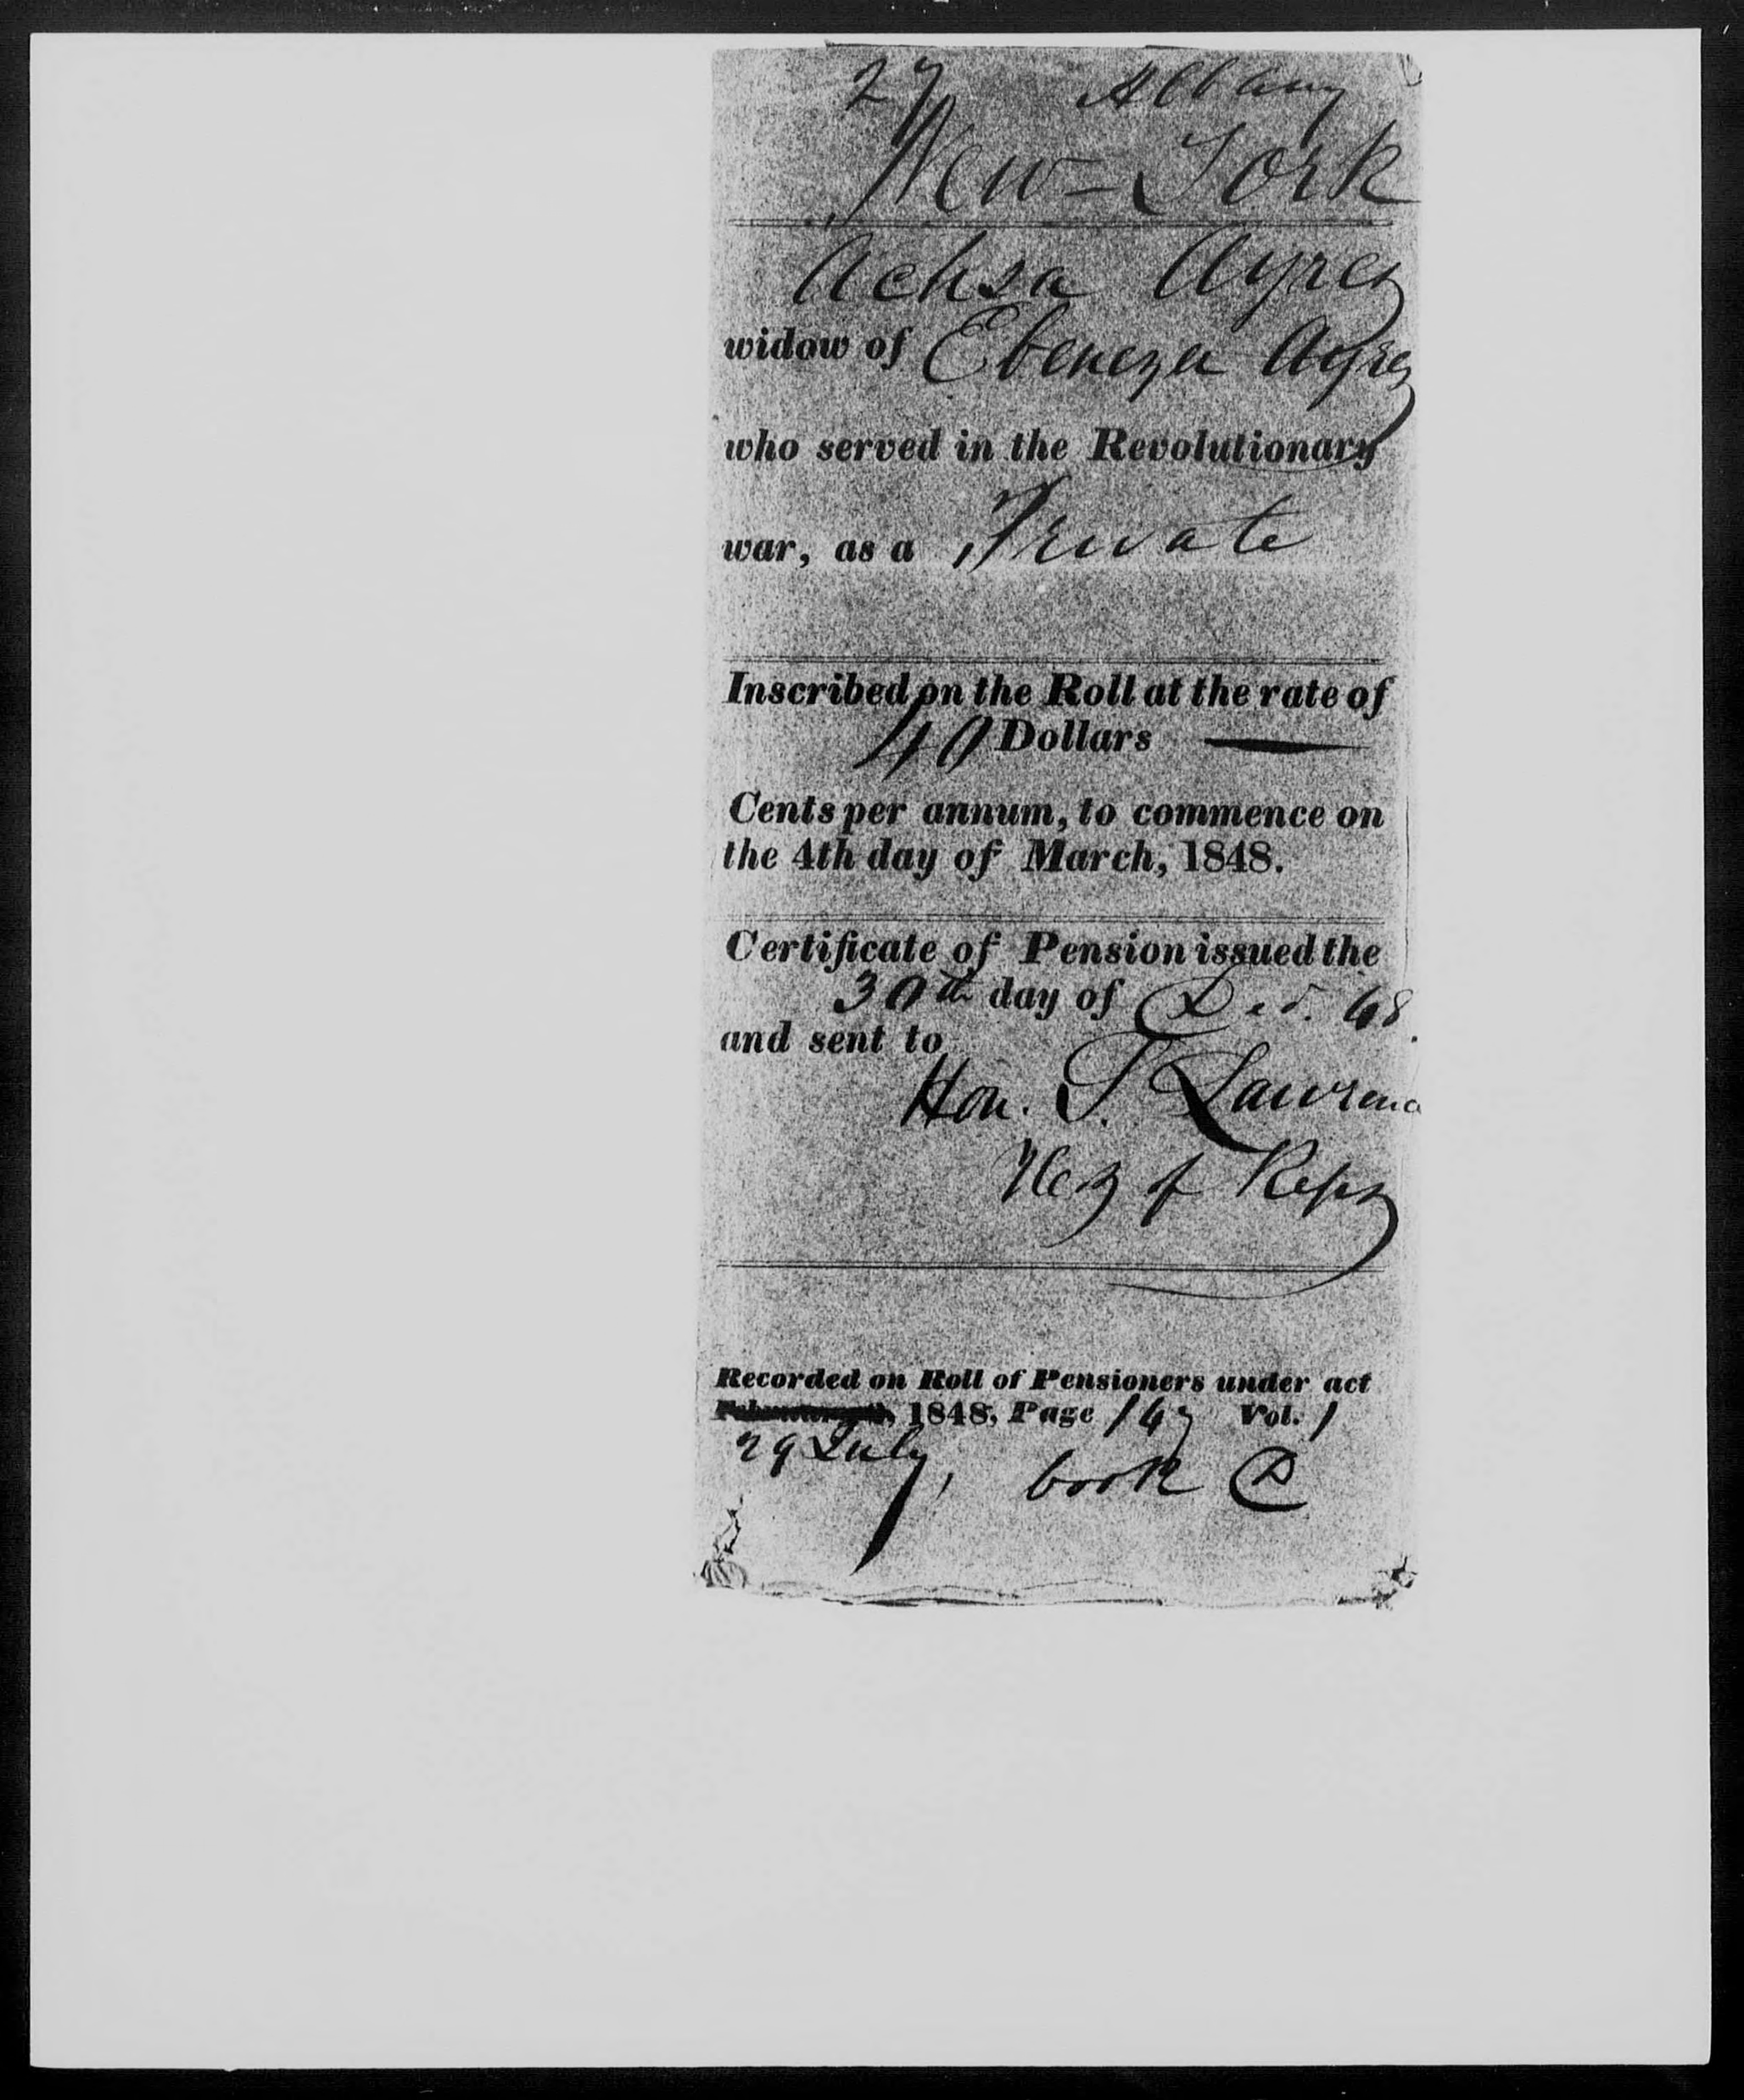27 Albany New-York
Achsa Ayres widow of Ebenezer Ayres who
served in the Revolutionary war, as a Private
Inscribed on the Roll at the rate of 40 Dollars 
— Cents per annum, to commence on the 4th day of March, 1848.
Certificate of Pension issued the 30th day of Decr. 68 and sent to 
Hon. S. Lawrence Hou of Reps
Recorded on Roll of Pensioners under act 
29 July, 1848, Page 147 Vol. 1 book D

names: S Lawrence, Ebenezer Ayres, Achsa Ayres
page: 23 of 50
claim: widow's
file: W. 8559, Ebenezer Ayer, Continental (Conn)